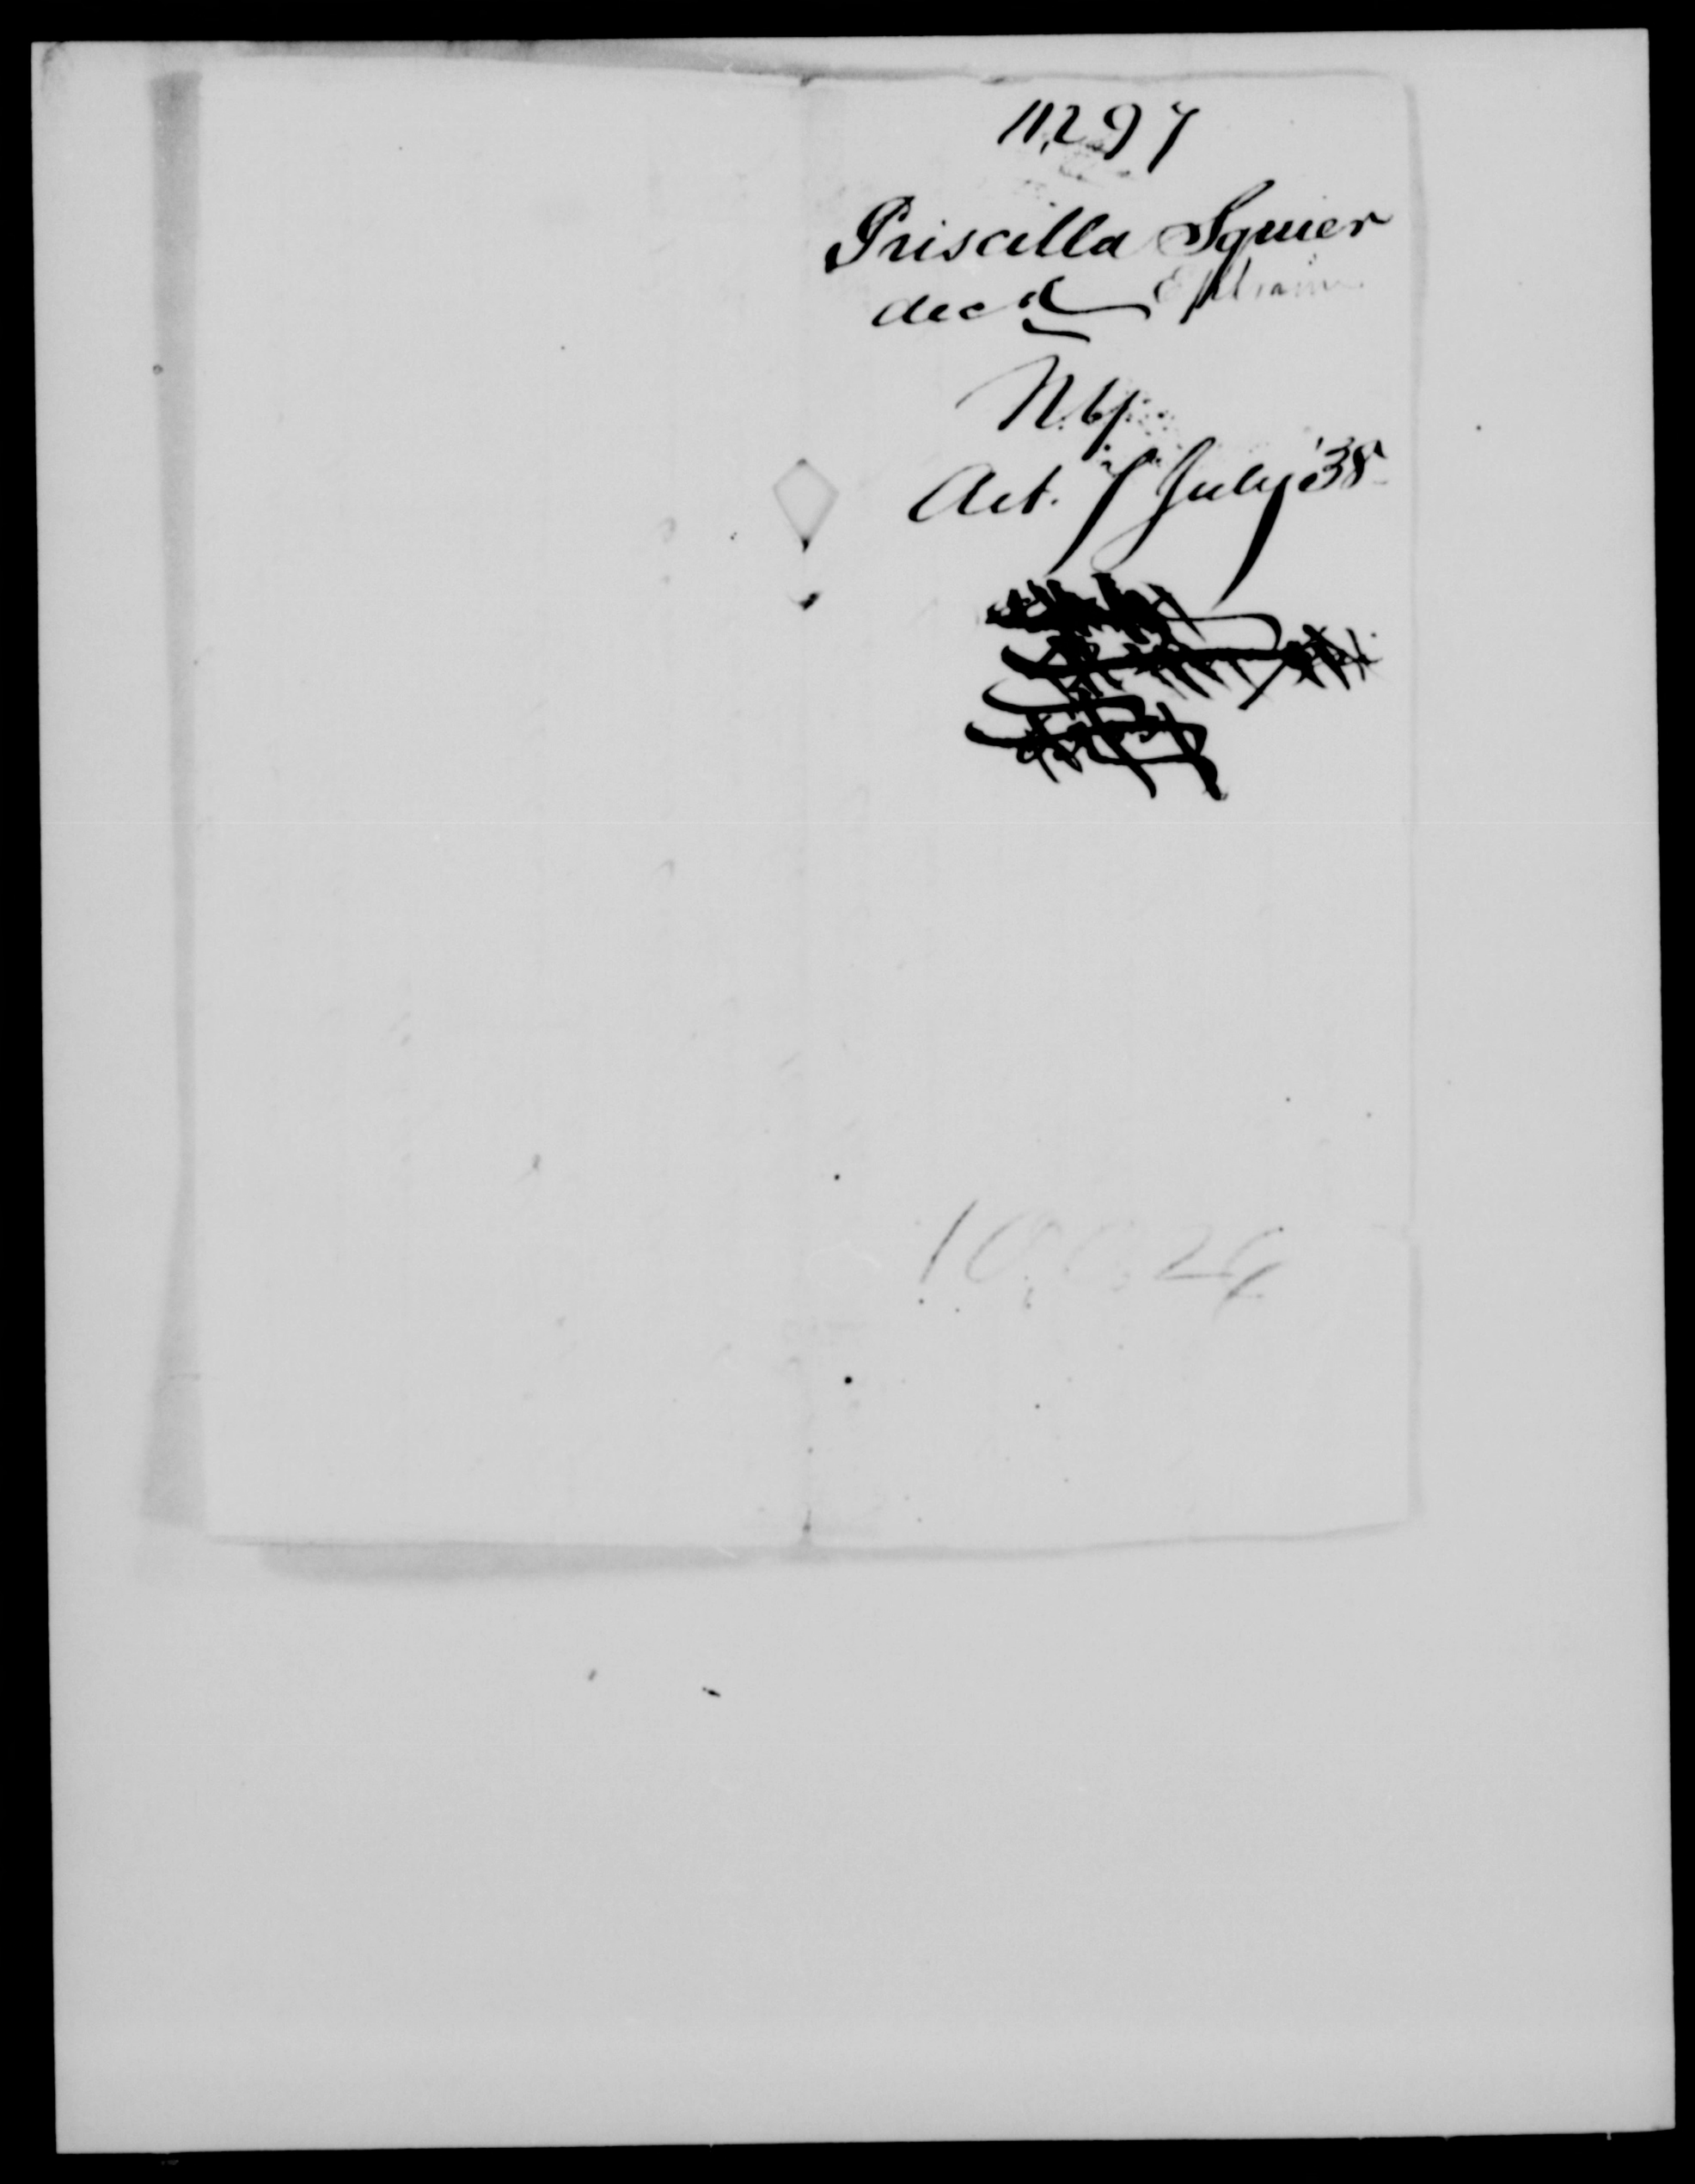11,297
Priscilla Squier
decd Ephraim
N.Y.
Act 7 July '38

(blacked out writing)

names: Priscilla Squier; Ephraim Squier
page: 13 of 70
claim: rejected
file: R. 10,026, for Ephraim Squier, Connecticut